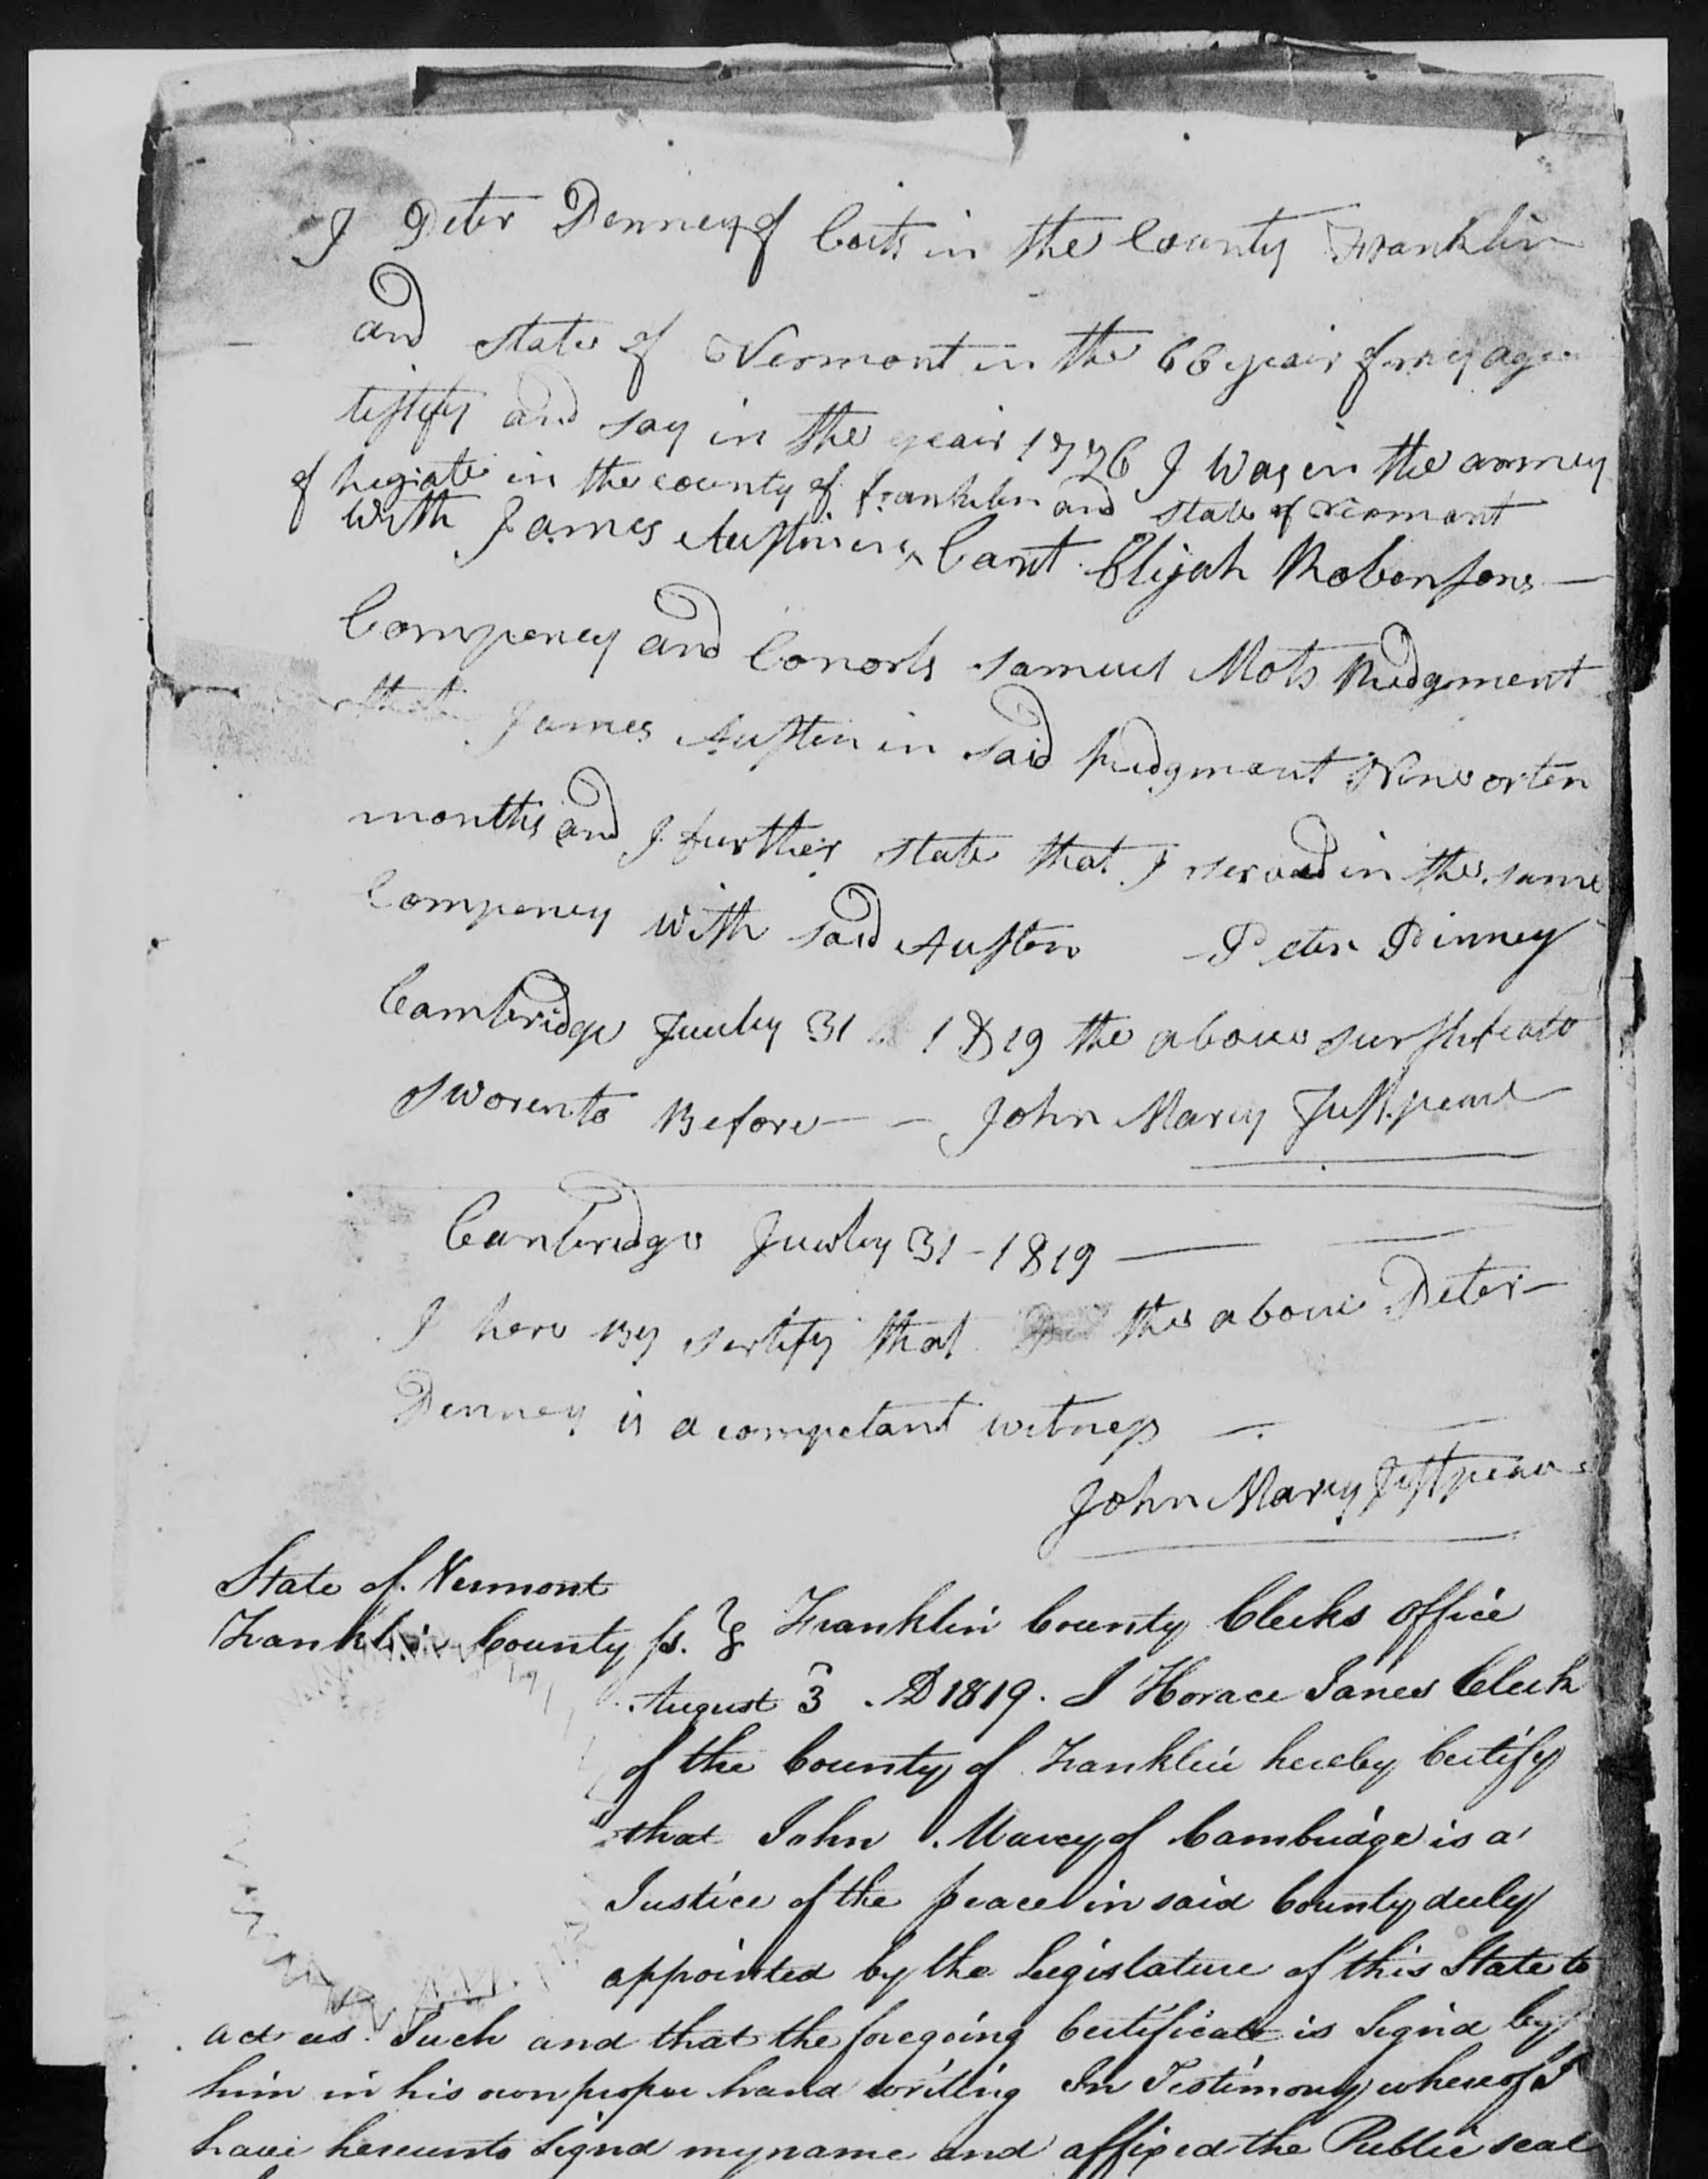I Peter Denny of Corts in the County of Franklin and State of Vermont in the 66 years of my age testify and say in the year 1776 I was in the army with James Austin in Capt Elijah Robinsons Company and conols [colonel] Samuel Mots Regiment that James Austin in said regiment for nine or ten months and I further state that I served in the same company with said Austin - Peter Denney [signature] 
Cambridge Juuly (sic) 31 I sig the above [illegible] sworn to below -- John Marcy Jefferson [signature]
[horizontal line]
Cambridge Juuly 31 1819 --
I here by certify that the above Peter Denney is a competent witness -- 
John Marcy Jefferson [signature]

State of Vermont
Franklin County ss} Franklin County Clerks office August 3. AD1819. I Horace James Clerk of the County of Franklin hereby certify that John Marcy of Cambridge is a Justice of the Peace in said County duly appointed by the Legislature of this State to acts and such and that the foregoing Certificate is Signed by him in his now proper hand writing In Testimony whereof I have hereunto signed my name and affixed the Public seal.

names: Austin, James Austin, John Marcy, John Marcy, James Austin, Horace Janes, John Marcy, Peter Pinney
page: 51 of 100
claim: survivor's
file: S 19186, James Austin, Conn. New York R.I.